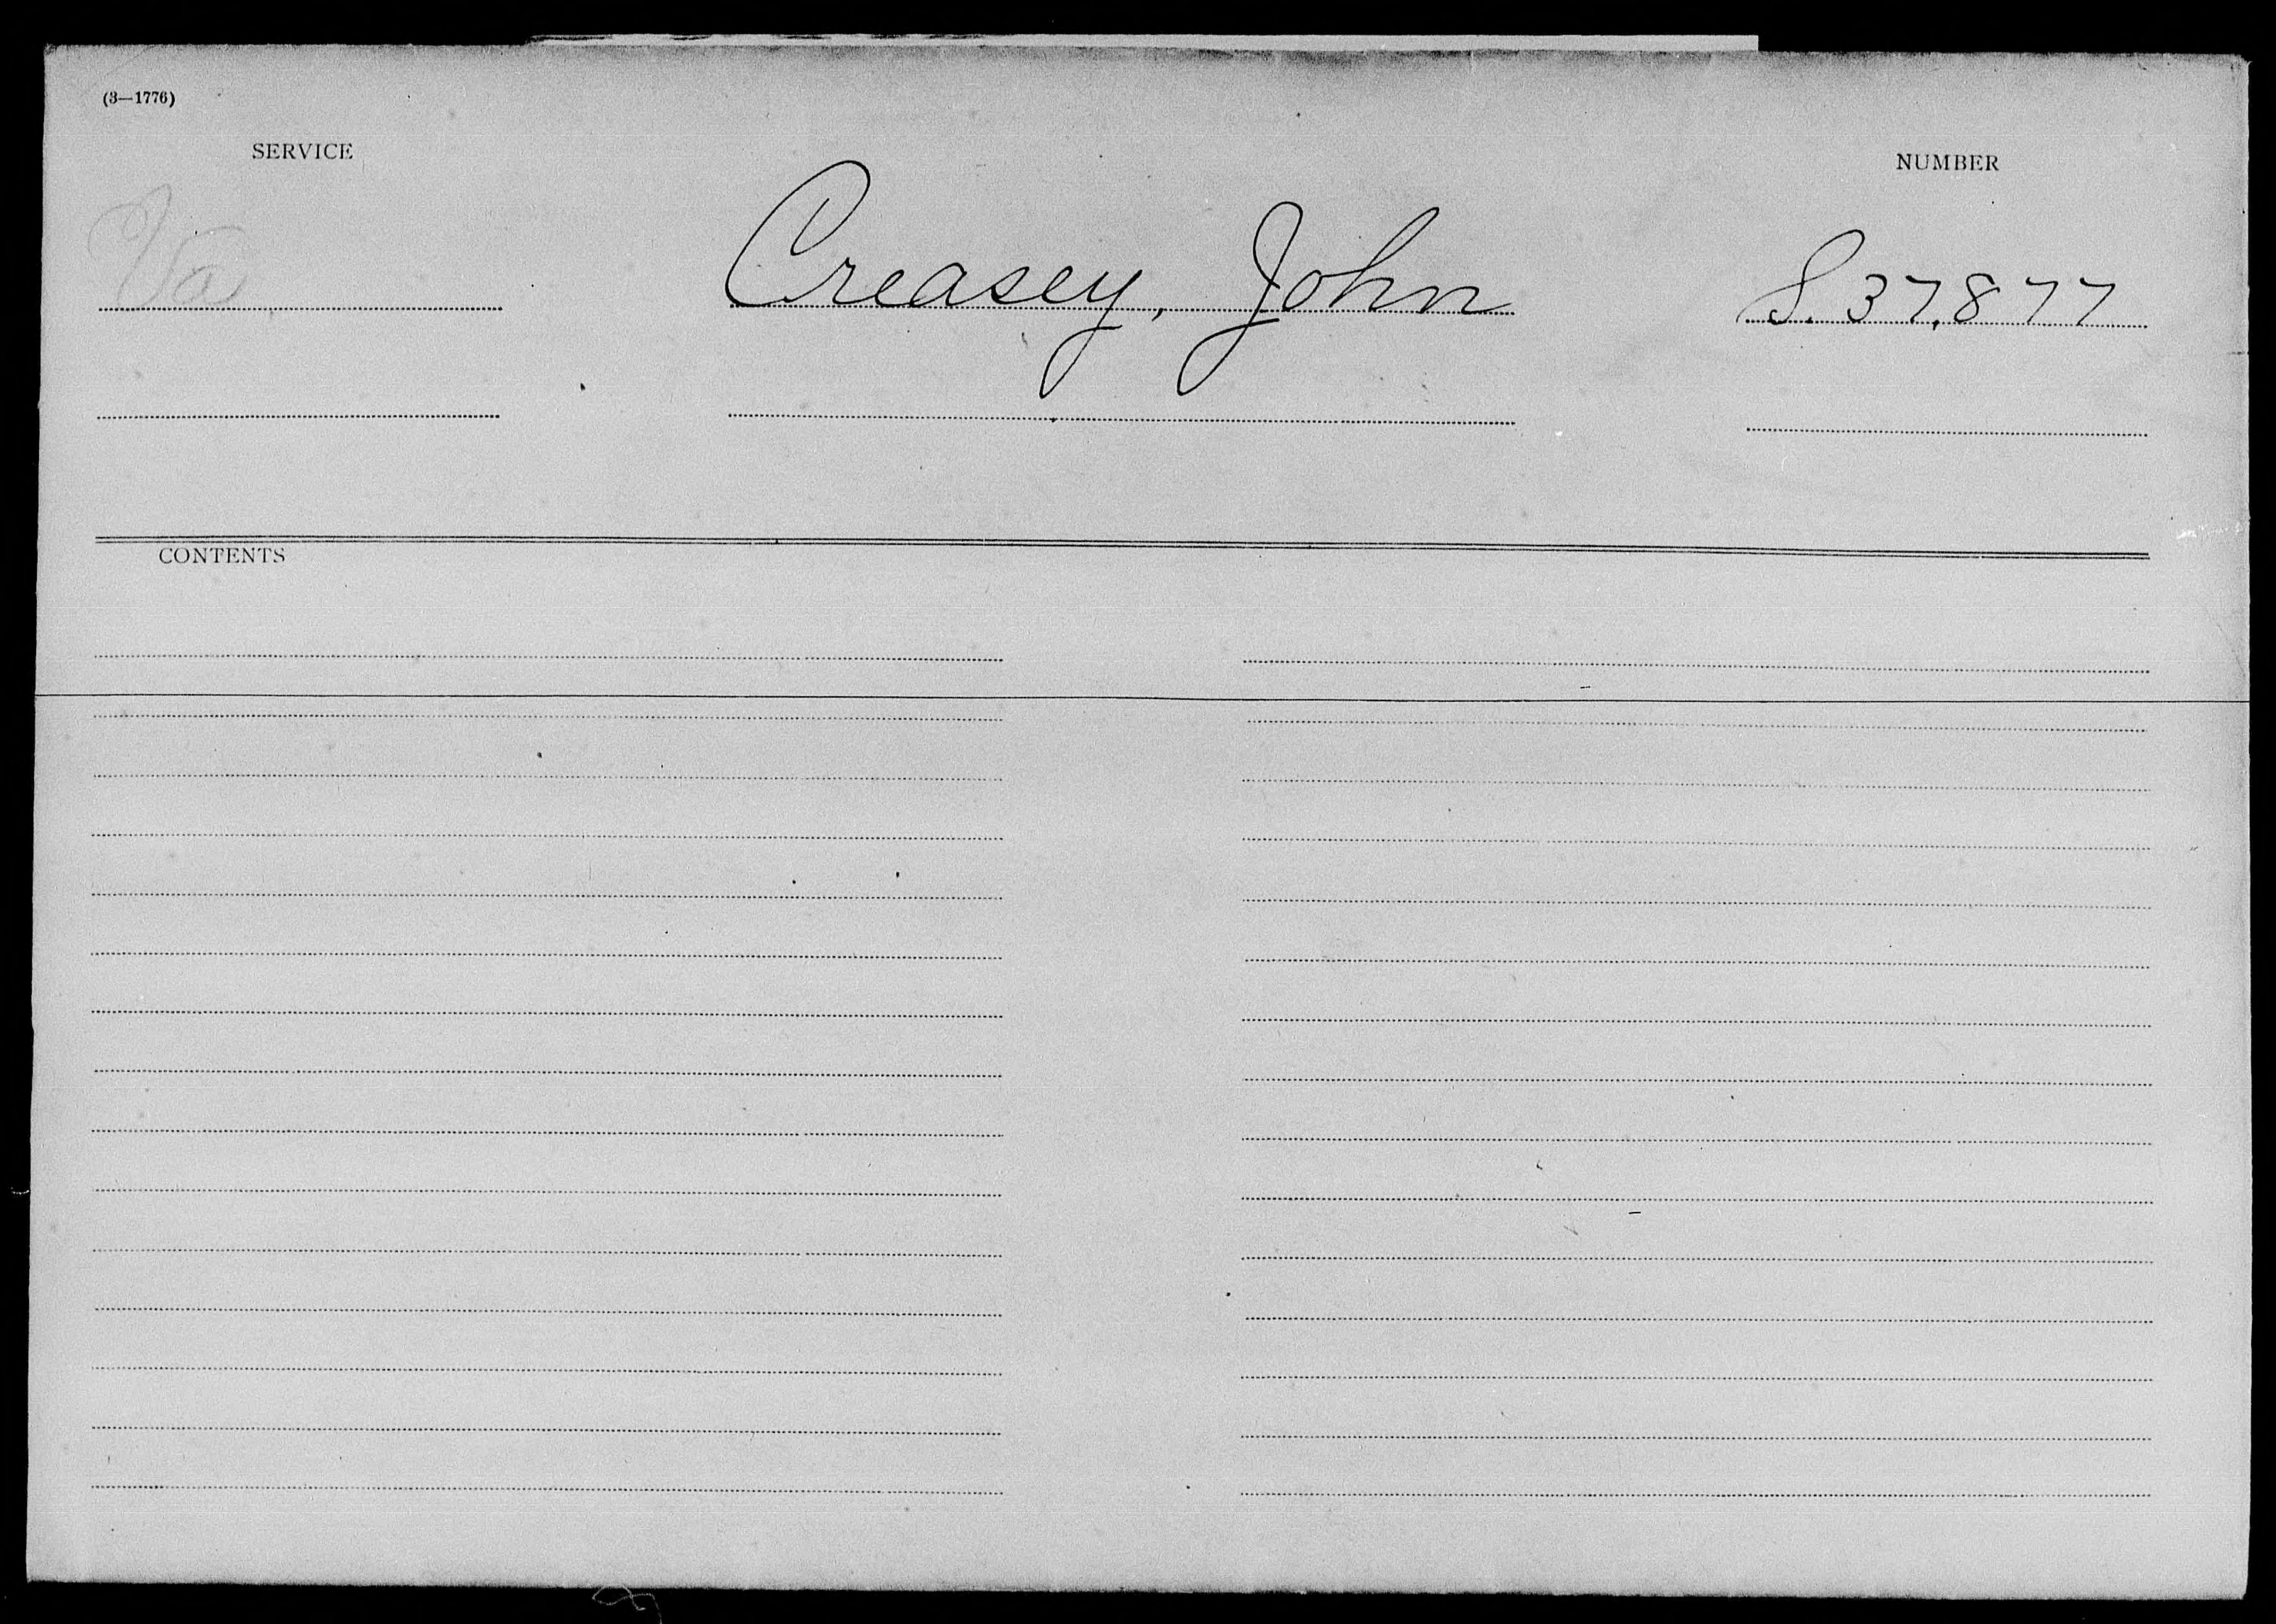(3-1776)
SERVICE
Va

Creasey, John

NUMBER
S.37,877

CONTENTS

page: 1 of 16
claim: survivor's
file: S. 37,877, John Creasey, Va.